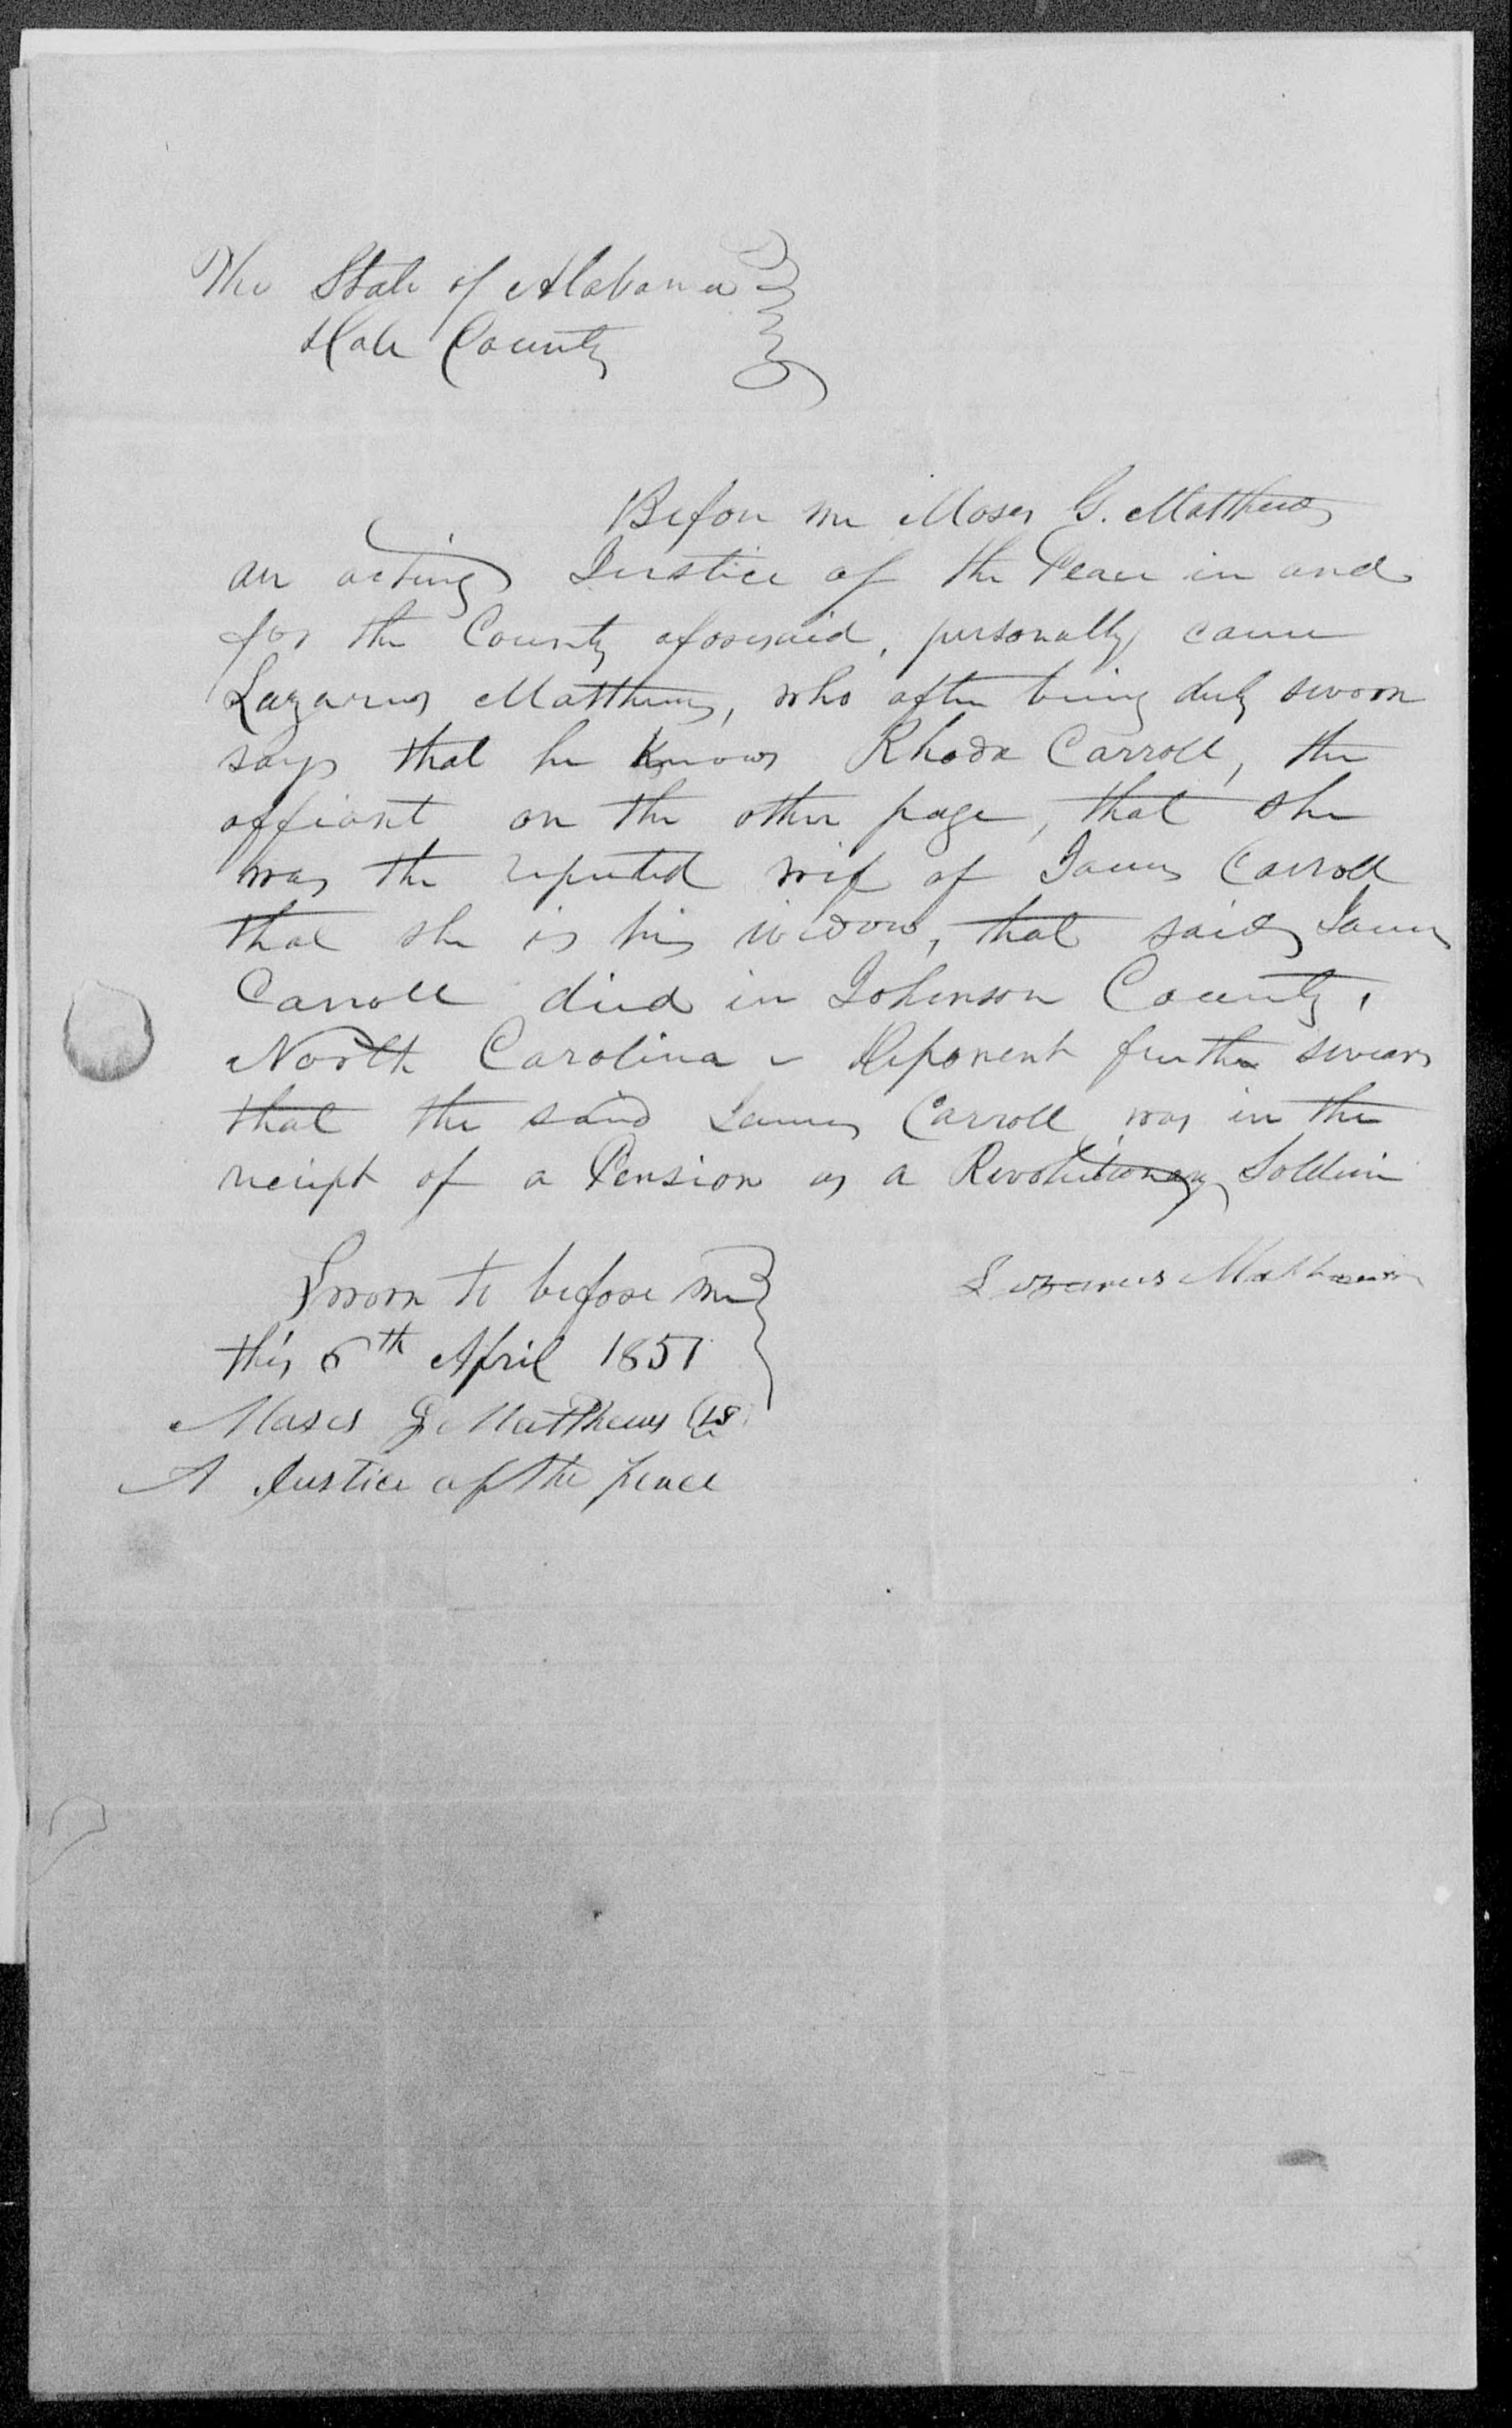The State of Alabama 
Dale County }

Before me Moses G. Matthews an acting Justice of the Peace in and for the county aforesaid, personally came Lazarus Matthews, who after being duly sworn says that he knows Rhoda Carroll, the affiant on the other page, that she was the reputed wife of James Carroll, that she is his widow, that said James Carroll died in Johnson County, North Carolina. Deponent further swears that the said James Carroll was in the receipt of a pension as a Revolutionary Soldier.  Lazarus Matthews
sworn to before me this 6th April 1857 Moses G. Matthews A Justice of the Peace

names: Moses G Matthews, Moses G Matthews, James Carroll, Lazarus Mathews, James Carroll, Rhoda Carroll, James Carroll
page: 47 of 86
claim: widow's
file: W. 6899, James Carrell, N.C.